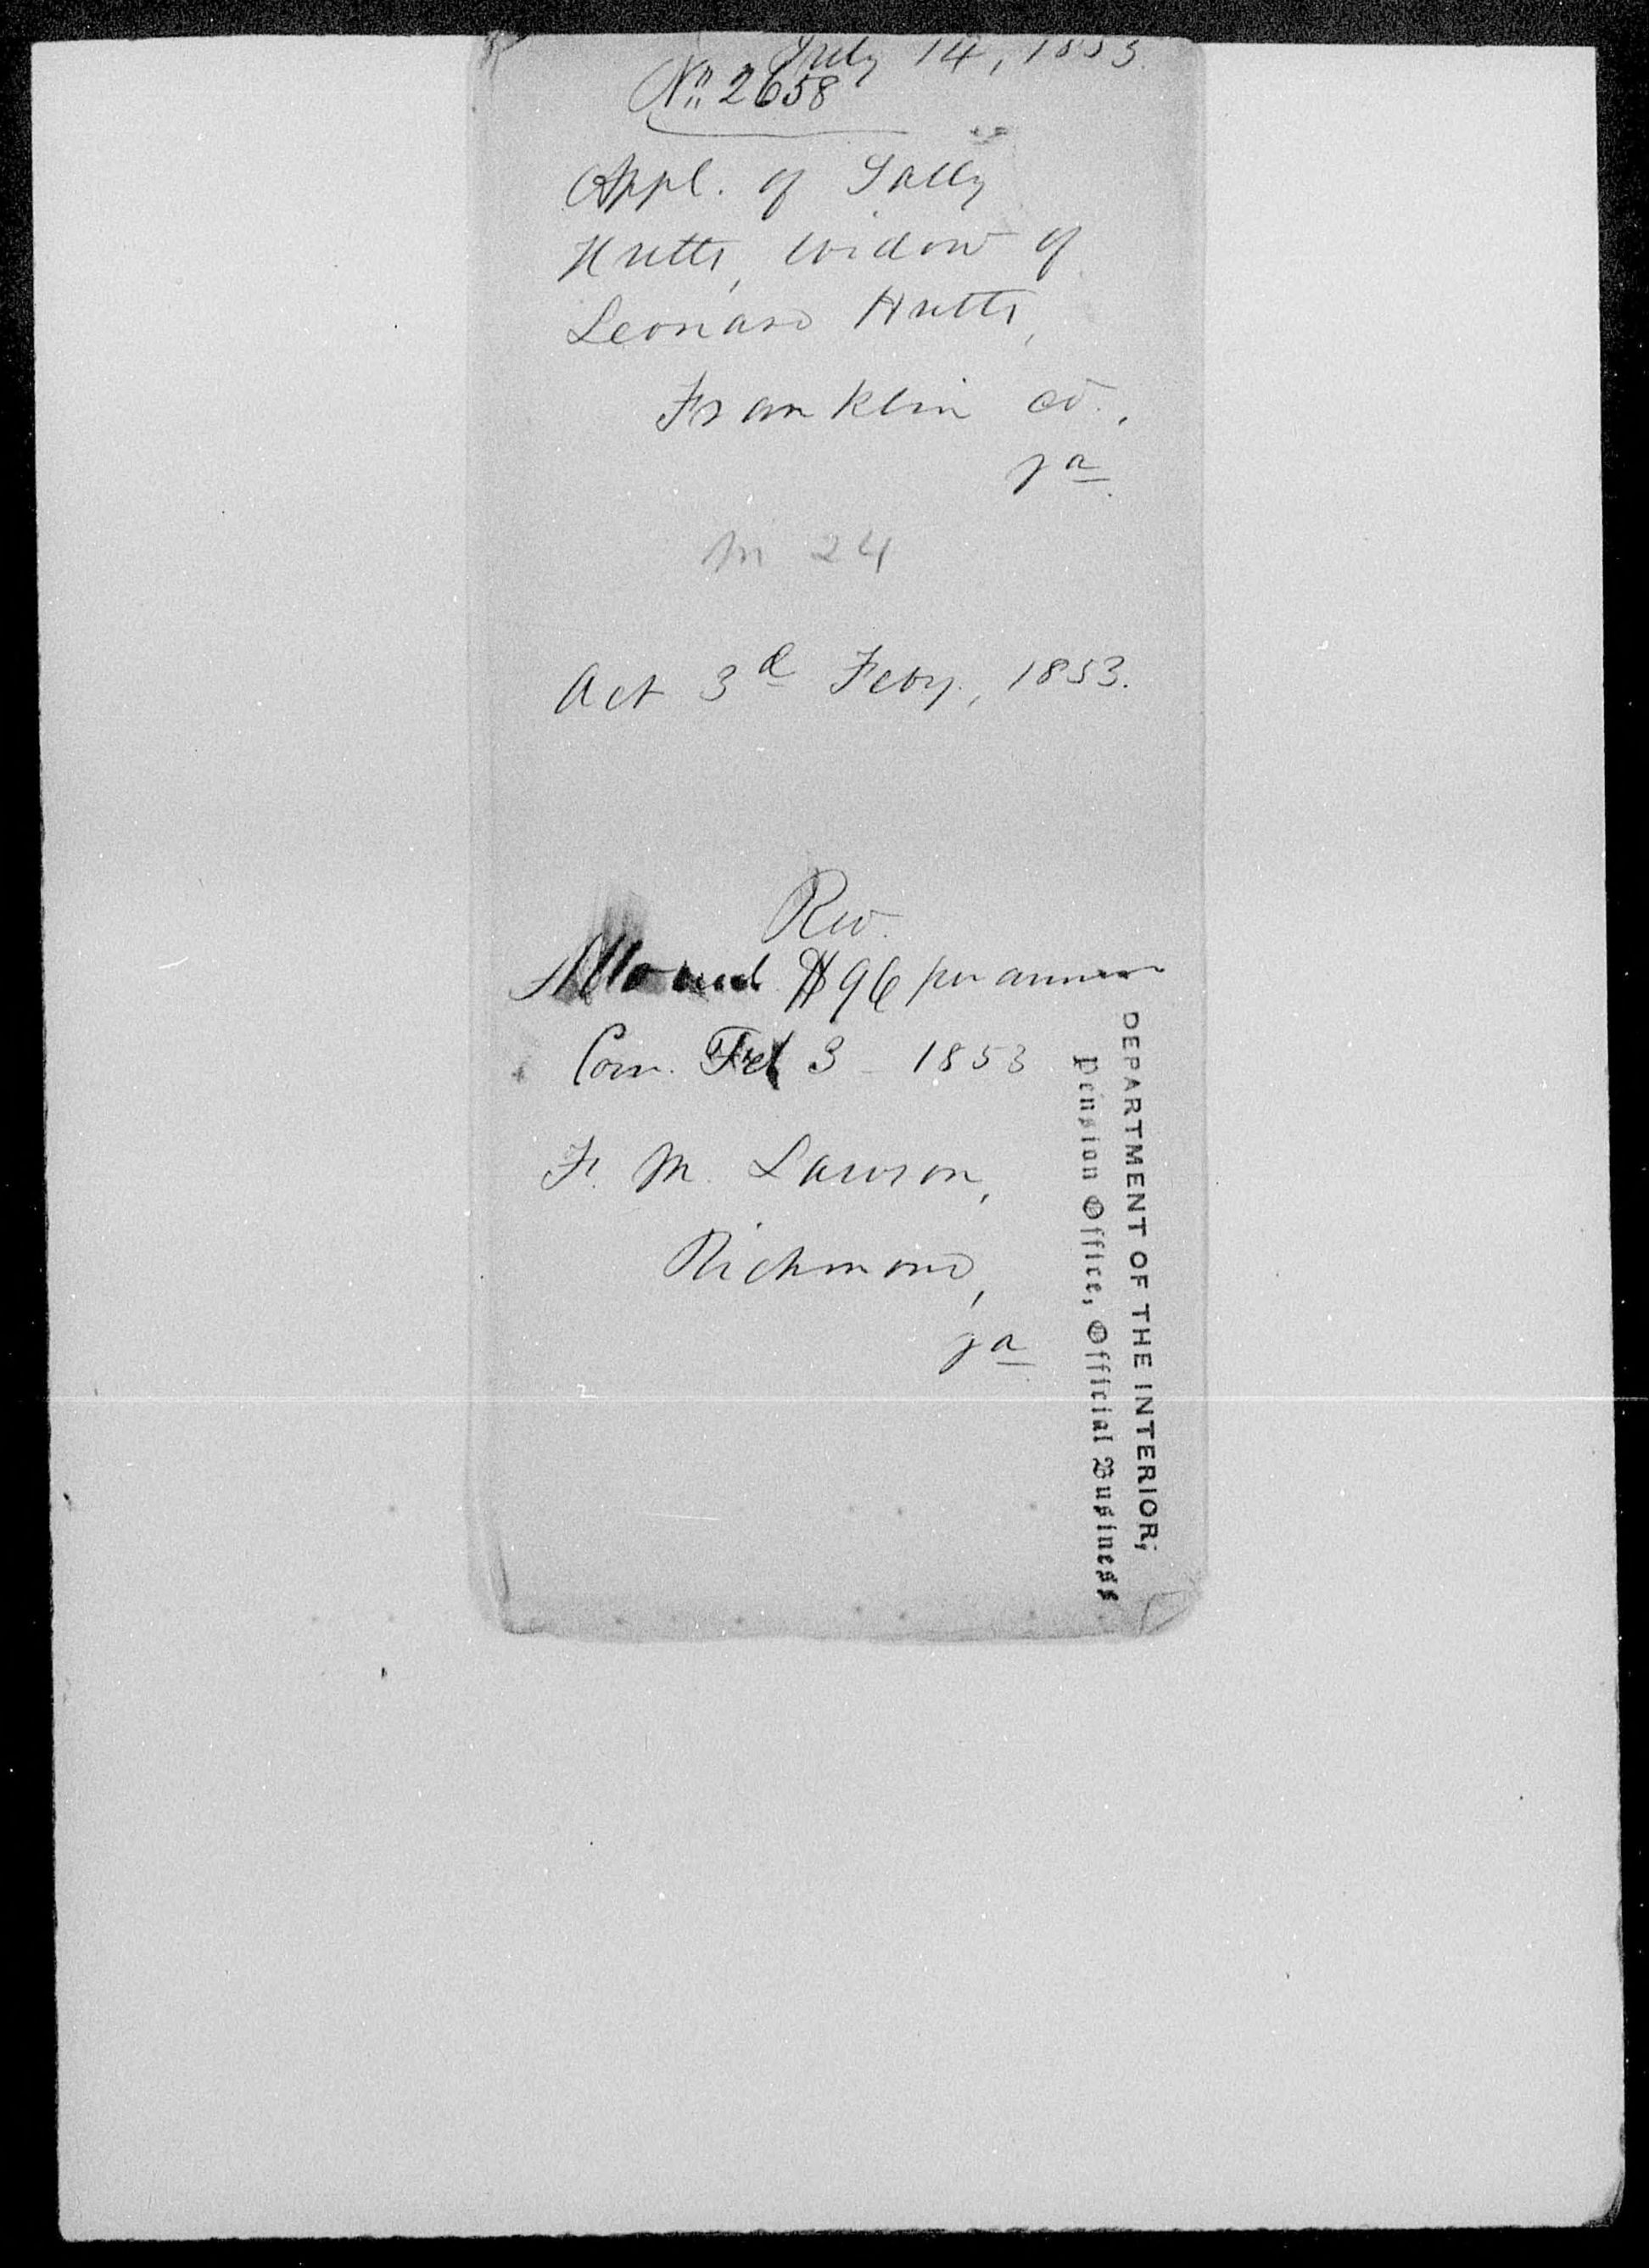July 14, 1853

No 2658

Appl of Sally
Nutts, widow of 
Leonard Hutts
Franklin Co.
Va

M 24

Act 3d Feby. 1853

[Illegible] Rev $96 per annum
Com Feb 3 1853

F. M. Lawson
Richmond,
Va

[written sideways – DEPARTMENT OF THE INTERIOR PENSION OFFICE, OFFICIAL BUSINESS]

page: 21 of 33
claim: widow's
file: W. 550, for Leonard Hutts, Virginia